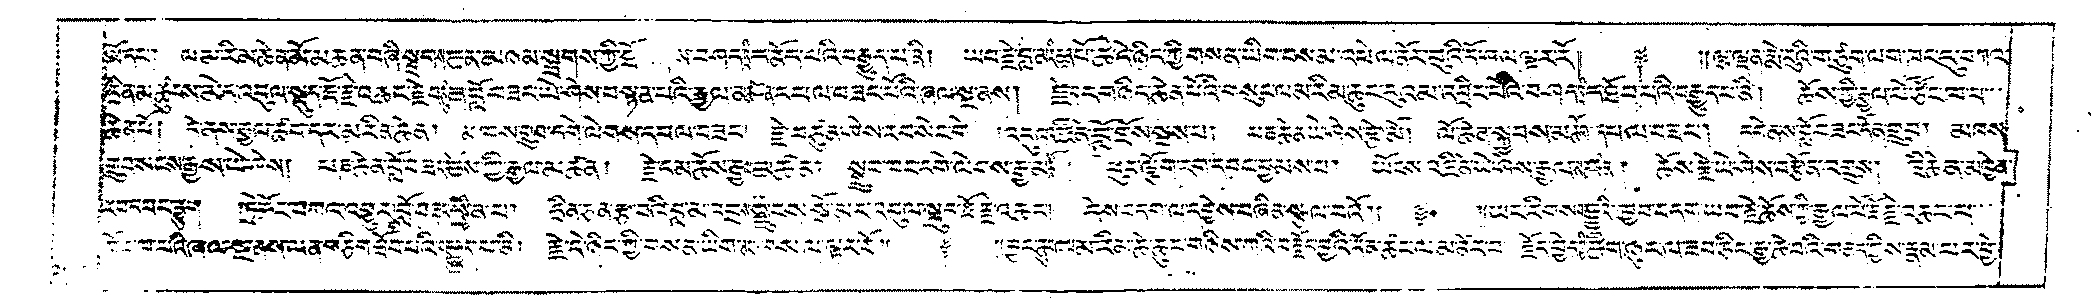མོ་དང་། ལམ་རིམ་ཆེན་མོ་མཆན་བཞི་སྦྲགས་ཅན་མཉམ་སྦྲགས་ཀྱི་ཐོག་ནས་བཤད་ཁྲིད་ནོད་པའི་བརྒྱུད་པ་ནི། ཡབ་རྗེ་བླ་མ་རིན་པོ་ཆེ་དེ་ཉིད་ཀྱི་གསན་ཡིག་བསམ་འཕེལ་ནོར་བུའི་དོ་ཤལ་ལྟར་རོ།། འ།།ལྷ་ལྡན་རྨེ་རུའི་གཙུག་ལག་ཁང་དུ་བཀའ་
དྲིན་མཚུངས་མེད་འབུལ་སྡུད་རྡོ་རྗེ་འཆང་རྗེ་བཙུན་བློ་བཟང་ཡེ་ཤེས་བསྟན་པའི་རྒྱལ་མཚན་དཔལ་བཟང་པོའི་ཞལ་སྔ་ནས། རྗེ་བདག་ཉིད་ཆེན་པོའི་གསུང་ལམ་རིམ་ཆུང་དུའམ་འབྲིང་པོའི་བཤད་ཁྲིད་ཐོབ་པའི་བརྒྱུད་པ་ནི། ཆོས་ཀྱི་རྒྱལ་པོ་ཙོང་ཁ་པ་
ཆེན་པོ། དེ་ནས་རྒྱལ་ཚབ་དར་མ་རིན་ཆེན། མཁས་གྲུབ་དགེ་ལེགས་དཔལ་བཟང་། རྗེ་བཙུན་ཤེས་རབ་སེང་གེ །འདུལ་འཛིན་བློ་གྲོས་སྦས་པ། པཎ་ཆེན་ཡེ་ཤེས་རྩེ་མོ། ལོ་ཆེན་སྐྱབས་མཆོག་དཔལ་བཟང་། དབེན་ས་བློ་བཟང་དོན་གྲུབ། མཁས་
གྲུབ་སངས་རྒྱས་ཡེ་ཤེས། པཎ་ཆེན་བློ་བཟང་ཆོས་ཀྱི་རྒྱལ་མཚན། རྗེ་དམ་ཆོས་རྒྱལ་མཚན། སྒྲུབ་ཁང་དགེ་ལེགས་རྒྱ་མཚོ། ཕུར་ལྕོག་ངག་དབང་བྱམས་པ། ཡོངས་འཛིན་ཡེ་ཤེས་རྒྱལ་མཚན། ཆོས་རྗེ་ཡེ་ཤེས་བརྩོན་འགྲུས། ཁྲི་ཆེན་མཁྱེན་
རབ་དབང་ཕྱུག། །ཏྲེ་ཧོར་བཀའ་འགྱུར་བ་བློ་བཟང་སྦྱིན་པ། དྲིན་ཅན་རྩ་བའི་བླ་མ་འབྲས་སྤུངས་སྒོ་མང་འབུལ་སྡུད་རྡོ་རྗེ་འཆང་། དེས་བདག་ལ་དགྱེས་བཞིན་སྩལ་བའོ།། འ།།ཡང་རིགས་བརྒྱའི་ཁྱབ་བདག་ཡབ་རྗེ་ཆོས་ཀྱི་རྒྱལ་པོ་རྡོ་རྗེ་འཆང་པ་
བོང་ཁ་པའི་ཞལ་སྔ་ནས་ལན་གཅིག་ཐོབ་པའི་བརྒྱུད་པ་ནི། རྗེ་དེ་ཉིད་ཀྱི་གསན་ཡིག་ནང་གསལ་ལྟར་རོ།། འ།།བྱང་ཆུབ་ལམ་རིམ་ཆེ་ཆུང་གཉིས་ཀའི་བརྗོད་བྱའི་དོན་ཆང་ལ་མ་ནོར་བརྗོད་བྱེད་ཀྱི་ཚིག་ཉུང་ལ་ཟབ་ཅིང་རྒྱ་ཆེ་བའི་གནད་ཀྱིས་རྣམ་པར་ཕྱེ་